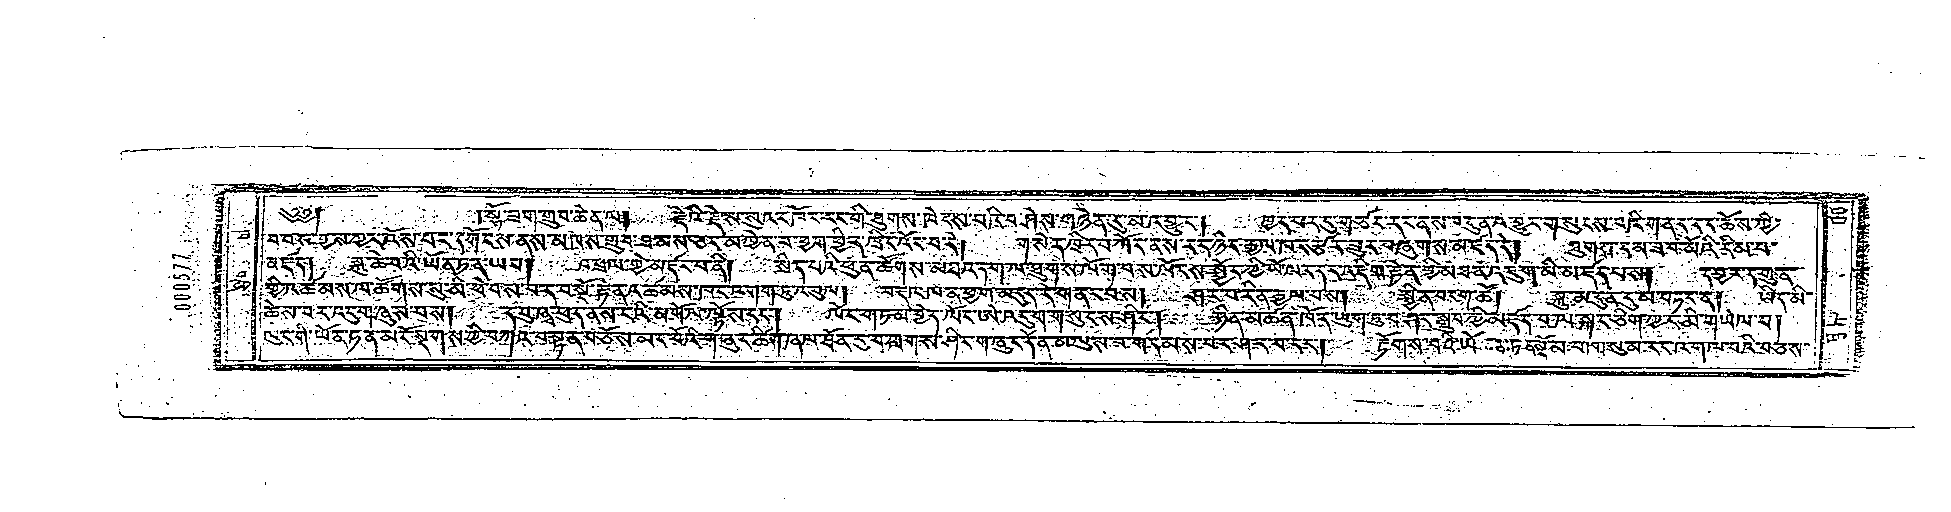༄༅། །ལྷོ་ཟག་གྲུབ་ཆེན་ལ། རྗེའི་རྗེས་སུ་འང་ཁོང་རང་གི་ཐུགས་ཁེངས་པའི་བཤེས་གཉེན་དུ་མ་འབྱུང་། ཁྱད་པར་དུ་གཙང་རང་ནས་བདུན་འབྱུང་གསུངས་པའི་གནང་དང་ཆོས་ཀྱི་
བབས་བྱས་ཀྱང་འོས་པར་དགོངས་ནས་མཁས་གྲུབ་ཐམས་ཅད་མཁྱེན་པ་ཕྱག་ཕྱིར་ཁྲིད་འོང་བ་དེ། གསེར་ཁྲིར་བཀོད་ནས་རང་ཉིད་རྒྱལ་ཁང་རྩེར་ཟུར་བཞུགས་མཛད་དེ། ཐུགས་དམ་ཟབ་མོའི་རིམ་པ་
མཛད། སྐུ་ཆེ་བའི་ཡོན་ཏན་ཡབ། འཕྲལ་གྱི་མཛད་པ་ནི། སྲིད་པའི་ཕུན་ཚོགས་མཐའ་དག་ལ་ཐུགས་ལོགས་སེ་ལོངས་སྤྱོད་ཀྱི་ཡོ་ལང་དང་འཇིག་རྟེན་གྱི་མཐན་འཇུག་མི་མཛད་པས། དབྱར་དགུན་
གྱི་འཚམས་ལ་ཚོགས་སུ་མི་ཕེབས་བར་བསྔོ་རྟེན་འཚམས་ཁང་འགག་ཏུ་འབུལ། བརྡལ་ལན་ཕྱག་མདུང་རེ་གནང་བས། ཤར་བ་རིན་རྒྱལ་པས། སྦྱིན་བདག་ཚོ། སྐུ་མདུན་དུ་མ་བཏང་ན། ཡིད་མི་
ཆེས་པར་འདུག་ཞུས་པས། དབུ་ཞྭ་ཕུད་ནས་ངའི་མགོ་ལ་ལྟོས་དང་། ལོང་གཏམ་བྱེད་ལོང་ཨེ་འདུག་གསུངས་ཤིང་། ཉིན་མཚན་ཁོར་ཡུག་ཏུ་བཤད་སྒྲུབ་ཀྱི་མཛད་བ་ལ་སྐད་ཅིག་ཀྱང་མི་གཡེལ་བ།
ལུང་གི་ཡོན་ཏན་མདོ་སྔགས་ཀྱི་བཀའ་བསྟན་བཅོས་མང་པོའི་གཞུང་ཚིག་ཞལ་ཐོན་དུ་བཀླགས་ཤིང་ག་ཞུང་དོན་མ་ལུས་བ་གདམས་པར་ཤར་བ་དང་། རྟོགས་བའི་ཡོན་ཏན་སྡོམ་ག་གསུམ་དང་འགལ་བའི་བཅས་